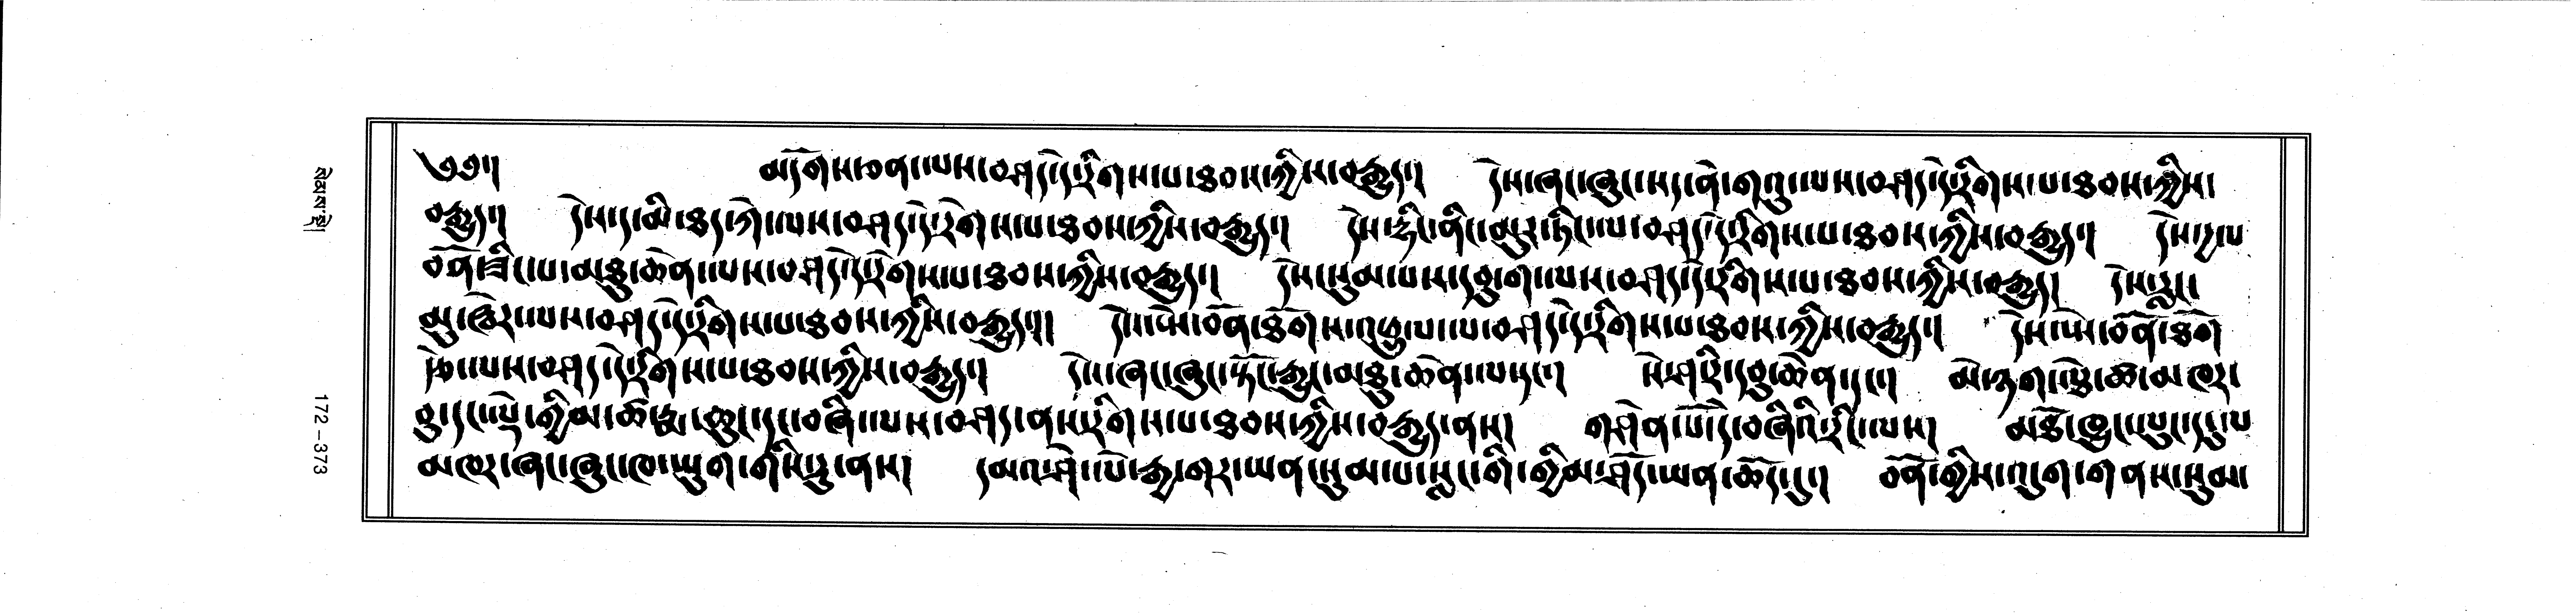མདོགས་ཅན་ལས་བཤད་དེ་རིག་པ་ཐབས་ཀྱིས་བརྒྱུད། དེས་ཞང་ཞུང་སད་ནེ་གའུ་ལས་བཤད་དེ་རིག་པ་ཐབས་ཀྱིས་
བརྒྱུད། དེས་ད་མི་ཐད་ཀེ་ལས་བཤད་དེ་རིག་པ་ཐབས་ཀྱིས་བརྒྱུད། དེས་དྷིང་ནིང་མུར་ཏིང་ལ་བཤད་དེ་རིག་པ་ཐབས་ཀྱིས་བརྒྱུད། དེས་རྒྱལ་
བོན་ཟིང་པ་མཐུ་ཆེན་ལས་བཤད་དེ་རིག་པ་ཐབས་ཀྱིས་བརྒྱུད། དེས་སུམ་པས་དབུ་ག་ལས་བཤད་དེ་རིག་པ་ཐབས་ཀྱིས་བརྒྱུད། དེས་རླང་
མུ་ཝེར་ལས་བཤད་དེ་རིག་པ་ཐབས་ཀྱིས་བརྒྱུད། དེས་སྤེ་བོན་ཐོགས་འཕྲུལ་ལ་བཤད་དེ་རིག་པ་ཐབས་ཀྱིས་བརྒྱུད། དེས་སྤེ་བོན་ཐོག་
རྩེ་ལས་བཤད་དེ་རིག་པ་ཐབས་ཀྱིས་བརྒྱུད། དེས་ཞང་ཞུང་སྟོང་རྒྱུང་མཐུ་ཆེན་ལ་དང་། སེ་ཤ་རི་དབུ་ཆེན་དང་། མེ་ཉག་ལྕེ་ཚ་མཁར་
བུ་དང་ལྡེ་གྱིམ་ཚ་རྨ་ཆུང་དང་བཞི་ལས་བཤད་ནས་རིག་པ་ཐབས་ཀྱིས་བརྒྱུད་ནས། གཤེན་པོ་དེ་བཞིའི་རིང་ལས། མཐོ་ཁྱུང་ལུང་དངུལ་
མཁར་ཞང་ཞུང་ཁ་ཡུག་གིས་རུ་ནས། དམའ་ཤེ་ལེ་རྒྱ་གར་ཡན་སུམ་པ་སླང་གི་གྱིམ་ཤོད་ཡན་ཆོད་དུ། བོན་གྱིས་འདུག་གནས་སུམ་